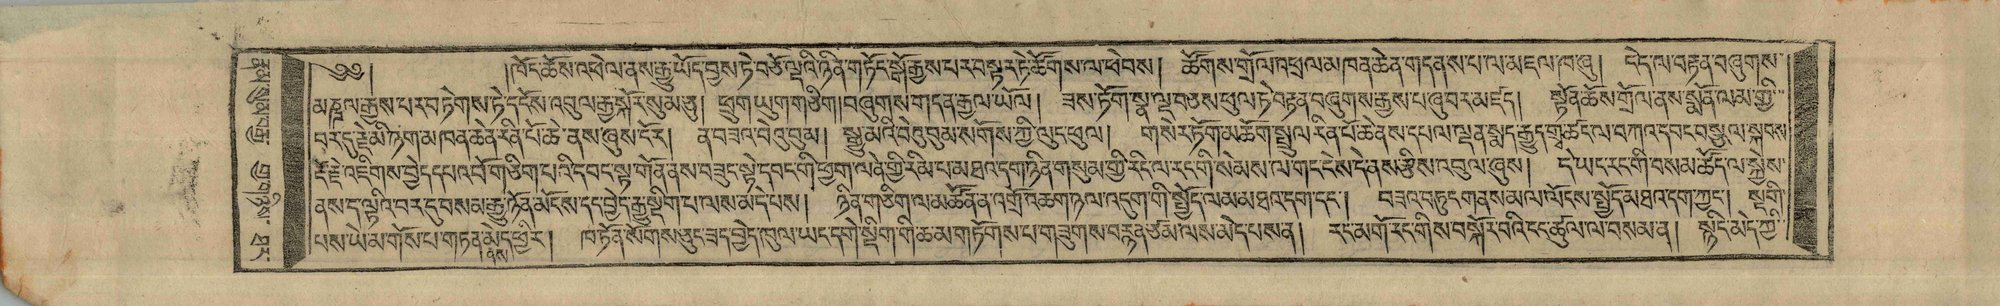༄༅། །ཁོང་ཆོས་འཕེལ་ནས་རྒྱུ་ཡོད་བྱས་ཏེ་བཅོ་ལྔའི་ཉིན་གཏོང་སྒོ་རྒྱས་པར་བསྟར་ཏེ་ཚོགས་ལ་ཕེབས། ཚོགས་གྲོལ་འཕྲལ་མཁན་ཆེན་གདན་ས་པ་ལ་མཇལ་ཁ་ཞུ། ངེད་ལ་བརྟན་བཞུགས་
མཎྜལ་རྒྱས་པར་བཏེགས་ཏེ་དངོས་འབུལ་རྒྱ་སྐོར་སུམ་ཅུ། ཕྲུག་གཡུག་གཅིག །བཞུགས་གདན་རྒྱལ་ཡོལ། ཟས་ཏོག་སྣ་ལྔ་བཅས་ཕུལ་ཏེ་བརྟན་བཞུགས་རྒྱས་པ་ཞུ་བར་མཛད། སྟོན་ཆོས་གྲོལ་ནས་སྨོན་ལམ་གྱི་
བར་དུ་རྗེ་མི་ཉག་མཁན་ཆེན་རིན་པོ་ཆེ་ནས་ཞུས་ངོར། ན་བཟའ་བེའུ་བུམ། སྒྱུ་མའི་བེའུ་བུམ་སོགས་ཀྱི་ལུང་ཕུལ། གསེར་ཏོག་མཆོག་སྤྲུལ་རིན་པོ་ཆེ་ནས་དཔལ་ལྡན་སྨད་རྒྱུད་གྲྭ་ཚང་ལ་བཀའ་དབང་བསྩལ་སྐབས་
རྡོ་རྗེ་འཇིགས་བྱེད་དཔའ་བོ་གཅིག་པའི་དབང་སྟ་གོན་ནས་བཟུང་སྟེ་དབང་གི་ཕྱག་ལེན་གྱི་རིམ་པ་མཐའ་དག་ཉིན་གསུམ་གྱི་རིང་ལ་རང་གི་སེམས་ལ་གང་ངེས་དེ་ནས་རྩིས་འབུལ་ཞུས། དེ་ཡང་རང་གི་བསམ་ཚོད་ལ་སྐྱེས་
ནས་ད་ལྟའི་བར་དུ་བསམ་རྒྱུ་ཉོན་མོངས་དང་བྱེད་རྒྱུ་སྡིག་པ་ལས་མེད་པས། ཉིན་གཅིག་ལ་མཚོན་ན་འགྲོ་འཆག་ཉལ་འདུག་གི་སྤྱོད་ལམ་མཐའ་དག་དང་། བཟའ་བཏུང་གནས་མལ་ལོངས་སྤྱོད་མཐའ་དག་ཀྱང་། སྡིག་
པས་ཡེ་མ་གོས་པ་གཏན་ནས་མེད་ཕྱིར། ཁ་ཏོན་སོགས་ཅུང་ཟད་བྱེད་ཁུལ་ཡང་དགེ་སྡིག་གི་ཆ་མ་གཏོགས་པ་གཟུགས་བརྙན་ཙམ་ལས་མེད་པས་ན། རང་མགོ་རང་གིས་བསྐོར་བའི་ངང་ཚུལ་ལ་བསམ་ན། སྙིང་མེད་ཀྱི་